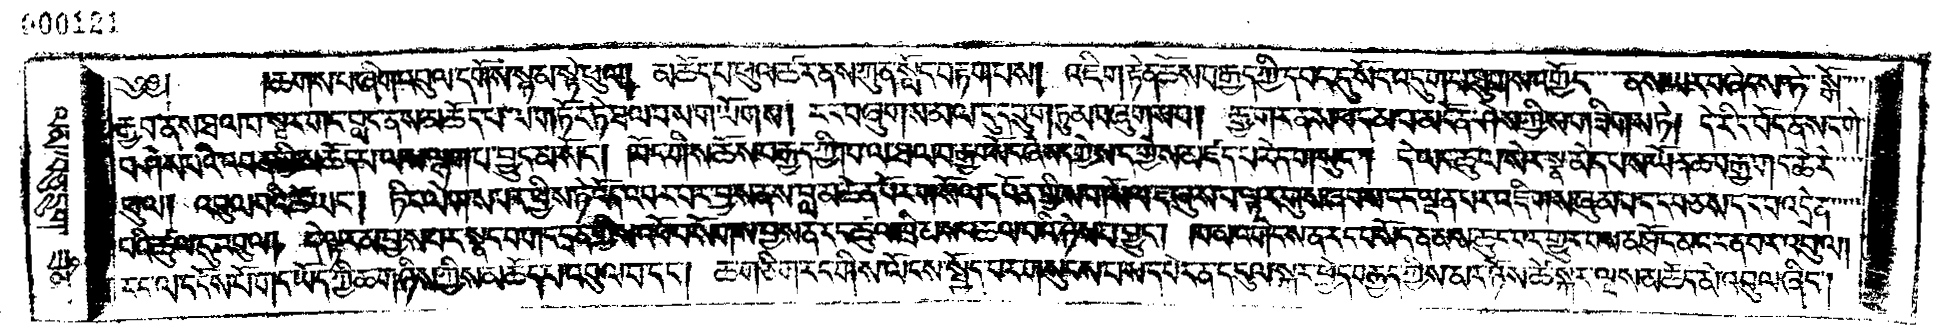༄༅། །ཆགས་པ་ཞིག་འབུལ་དགོས་སྙམ་སྟེ་ཕུལ། མཆོད་པ་ཕུལ་ཚར་ནས་ཀུན་སློང་བརྟག་པས། འཇིག་རྟེན་ཆོས་བརྒྱད་ཀྱི་དབང་དུ་སོང་འདུག་པ་ཐུགས་འགྱོང་ནས་ཡར་བཞེངས་ཏེ་སྒོ་
རྒྱབ་ནས་ཐལ་བ་སྦར་གང་བླང་ནས་མཆོད་པ་ལ་གཏོར་ཏེ་ཐལ་བས་གཡོགས། རང་བཞུགས་མལ་དུ་དབུ་གཏུམ་བཞུགས་པ། རྒྱ་གར་ནས་ཕ་དམ་པ་མངོན་ཤེས་ཀྱིས་གཟིགས་ཏེ། དེ་རིང་བོད་ནས་དགེ་
བཤེས་པའི་འབན་གྱི་མཆོད་པ་ལས་ལྷག་པ་བྱུང་མ་སོང་། ཁོང་གིས་ཆོས་བརྒྱད་ཀྱི་ཁ་ལ་ཐལ་བ་རྒྱབ་སོང་ཞེས་དགྱེས་དགྱེས་མཛད་པ་རེད་གསུང་། དེ་ཡང་ཆུ་ལ་སེར་སྣ་མེད་པས་ཡོན་ཆ་བརྒྱ་གང་ཆེ་རེ་
ཕུལ། འབུལ་བའི་ཚེ་ཡང་། ཏིང་ལེགས་པར་ཕྱིས་ཏེ་འོད་འབར་བར་བྱས་ནས་བླ་མ་ཆེན་པོར་གསོལ་དཔོན་གྱིས་གསོལ་ཇ་ཞུས་པ་ལྟར་གུས་ཞབས་དང་ལྡན་པར་འཇིགས་ཞུམ་པ་དང་བཅས་དང་བ་འདྲེན་
པའི་ཚུལ་དུ་འབུལ། དེ་ལྟར་མ་བྱས་པར་སྣང་བ་གང་དྲན་གྱིས་འཕོ་བ་སོགས་བྱས་ན་རང་ཚུལ་ཁྲིམས་འཆལ་བའི་ཉེས་པ་བྱུང་། ཁ་མ་འགིངས་ན་རང་བསོད་ནམས་ཆུང་བར་གྱུར་བས་མཐོ་དམའ་རན་པར་འབུལ།
རང་ལ་དངོས་པོ་གང་ཡོད་ཀྱི་ཆ་གཉིས་ཀྱིས་མཆོད་པ་འབུལ་བ་དང་། ཆ་གཅིག་རང་གིས་ལོངས་སྤྱོད་པར་གསུངས་པས་དཔེར་ན་དངུལ་སྐར་ཕྱེད་བརྒྱད་ཀྱིས་མར་ཉོས་ཚེ་སྐར་ལྔས་མཆོད་མེ་འབུལ་ཞིང་།